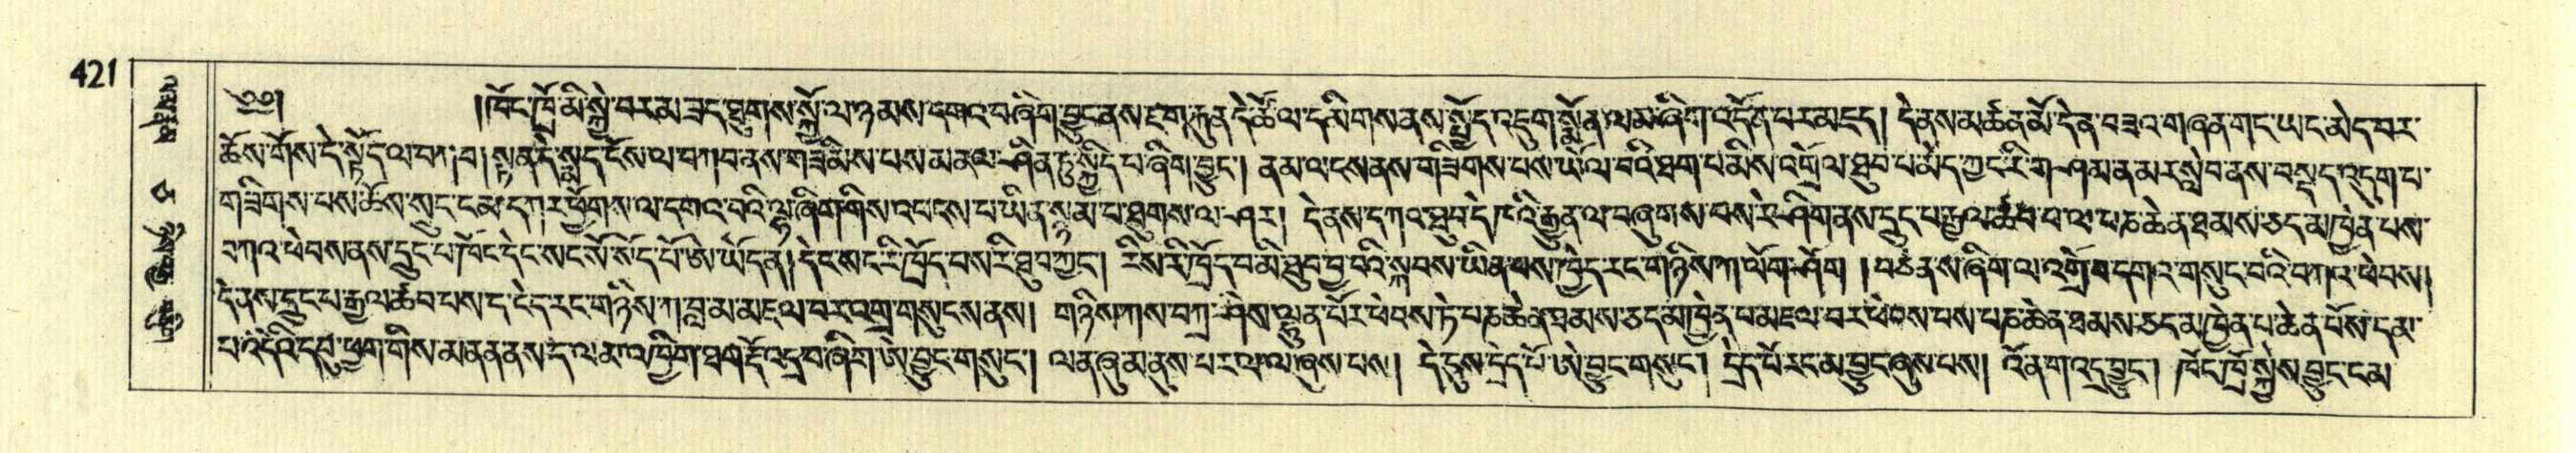༄༅། །ཁོང་ཁྲོ་མི་སྐྱེ་བར་མ་ཟད་ཐུགས་སྐྱོ་ལ་ཉམས་དགའ་བཞིག་བྱུང་ནས་ཇག་རྐུན་དེ་ཚོ་ལ་དམིགས་ནས་སྤྱོད་འཇུག་སྨོན་ལམ་ཞིག་འདོན་པར་མཇད། དེ་ནས་མཚན་མོ་དེ་ན་བཟའ་གཞན་གང་ཡང་མེད་བར་
ཆོས་གོས་དེ་སྟོད་ལ་བཀབ། སྟན་དེ་སྨད་ངོས་ལ་བཀབ་ནས་གཟིམས་པས་མནལ་ཤིན་ཏུ་སྐྱིད་པ་ཞིག་བྱུང་། ནམ་ལངས་ནས་གཟིགས་པས་ཡོལ་བའི་ཐག་པ་མིས་འགྲོལ་ཐུབ་པ་མོད་ཀྱང་རི་གཤམ་ན་མར་སླེབ་ནས་བསྡད་འདུག་པ་
གཟིགས་པས་ཆོས་སྲུང་ངམ་དཀར་ཕྱོགས་ལ་དགའ་བའི་ལྷ་ཞིག་གིས་འཕངས་པ་ཡིན་སྙམ་པ་ཐུགས་ལ་ཤར། དེ་ནས་དཀའ་ཐུབ་དེ་ཁའི་རྒྱུན་ལ་བཞུགས་བས་རེ་ཤིག་ནས་དྲུང་པ་རྒྱལ་ཚབ་པ་ལ་པཎ་ཆེན་ཐམས་ཅད་མཁྱེན་པས་
བཀའ་ཕེབས་ནས་དྲུང་པ་ཁོང་དེང་སང་སོ་སོད་པོ་ཨེ་ཡོད་ན། དེང་སང་རི་ཁྲོད་པས་རི་ཐུབ་ཀྱང་། རིས་རི་ཁྲོད་པ་མི་ཐུབ་བྱ་བའི་སྐབས་ཡིན་པས་ཁྱེད་རང་གཉིས་ཀ་ལོག་ཤོག །བཙན་ས་ཞིག་ལ་འགྲོ་བ་དགའ་གསུང་བའི་བཀའ་ཕེབས།
དེ་ནས་དྲུང་པ་རྒྱལ་ཚབ་པས་ད་ངེད་རང་གཉིས་ཀ་བླ་མ་མཇལ་བར་འགྲ་གསུངས་ནས། གཉིས་ཀས་བཀྲ་ཤིས་ལྷུན་པོར་ཕེབས་ཏེ་པཎ་ཆེན་ཐམས་ཅད་མཁྱེན་པ་མཇལ་བར་ཕེབས་པས་པཎ་ཆེན་ཐམས་ཅད་མཁྱེན་པ་ཆེན་པོས་དམ་
པ་འདིའི་དབུ་ཕྱག་གིས་མནན་ནས་ད་ལམ་འཁྱིག་ཐག་རྡོ་འདྲ་བ་ཞིག་ཨེ་བྱུང་གསུང་། ལན་ཞུ་མ་ནུས་པར་ལ་ལ་ཞུས་པས། དེ་དུས་དྲེད་པོ་ཨེ་བྱུང་གསུང་། དྲེད་པོ་རང་མ་བྱུང་ཞུས་པས། འོ་ན་ག་འདྲ་བྱུང་། ཁོང་ཁྲོ་སྐྱེས་བྱུང་ངམ་